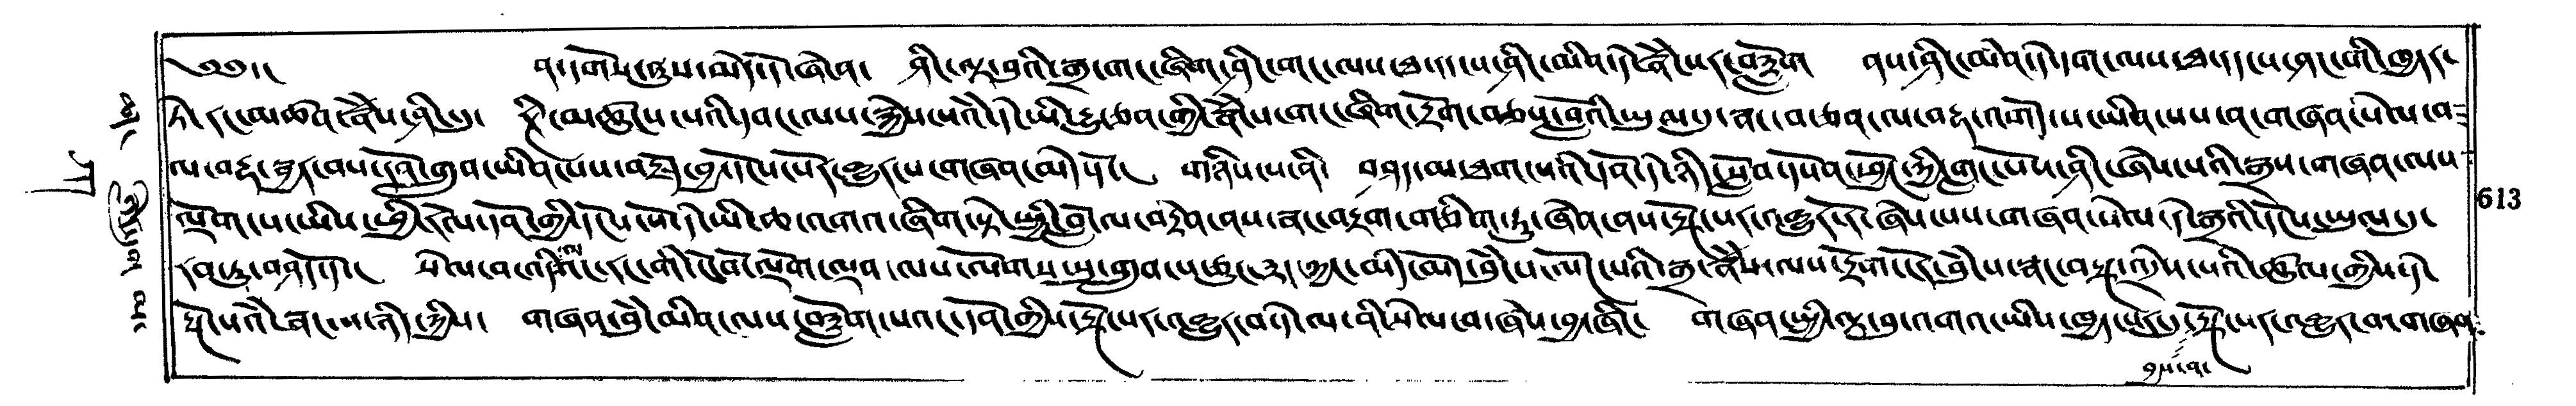ན་དགོས་ནུས་མེད་དེ་ཞེ་ན། ཤིང་ལྟ་བུའི་སྒྲ་གང་ཞིག་ཤིང་གང་ལས་ཐ་དད་པ་ཤིང་མིན་དེ་རྣམ་པར་ལྡོག་ནས་ཤིང་མིན་དེ་དག་ལས་ཐ་དད་པ་ཤིང་གི་ཁྱད་པར་
ཏེ་རང་མཚན་རྣམས་ཤིང་དུ། རིགས་མཚུངས་པའི་དབང་ལས་སྐྱེས་པའམ་དེའི་རྒྱུ་ཅན་གྱི་རྣམ་པ་གང་ཞིག་རྟོག་བཅས་བློའི་ཡུལ་དུ་སྣང་བ་ཅན་ལ་བརྡ་འགོད་པ་ཡིན་པས་ན་གཞན་སེལ་བ་
ལ་བརྡ་སྦྱར་བས་དོན་སྒྲུབ་ཡིན་པས་བརྗོད་བྱ་དངོས་པོར་གྱུར་པ་གཞན་མེད་དོ།། གཉིས་པ་ནི། བཤད་མ་ཐག་པའི་དོན་དེ་ཉིད་སློབ་དཔོན་ཕྱོགས་ཀྱི་གླང་པོས་ཤིང་ཞེས་པའི་སྒྲས་གཞན་ལས་
ལྡོག་པ་ཡིས་ཕྱི་རོལ་དོན་གྱི་དངོས་པོ་དེའི་ཆ་འགའ་ཞིག་སྟེ་སྤྱི་བློ་ལ་བརྟེན་ནས་སྣང་བརྟགས་གཅིག་ཏུ་ཞེན་ནས་རྟོགས་པར་འགྱུར་རོ་ཞེས་པས་གཞན་སེལ་དེ་སྒྲའི་དངོས་ཡུལ་དུ་
རབ་ཏུ་བཤད་དོ།། སེལ་བ་འདི་གང་ལ་རང་གི་ངོ་བོ་ལྡོག་པ་ལས་ལོགས་སུ་གྲུབ་པ་ཅུང་ཟད་ཀྱང་མེད་མོད་བུམ་པ་ལ་སོགས་པའི་སྒྲ་རྣམས་ལས་རྟོག་ངོར་བུམ་པ་སྣང་བརྟགས་འདྲེས་པའི་ཚུལ་གྱིས་དེ་
རྟོགས་པའི་སྣང་བ་ཉིད་ཀྱིས།གཞན་བུམ་མིན་ལས་ལྡོག་པའང་དོན་གྱིས་རྟོགས་པར་འགྱུར་བ་དེ་ལ་ནི་སེལ་བ་ཞེས་བྱ་ཞིང་། གཞན་སྤྱི་ལྟ་བུ་འགའ་ཡིས་ཁྱད་པར་དུ་བྱས་ན་རྟོགས་པར་འགྱུར་བ་གཞན་